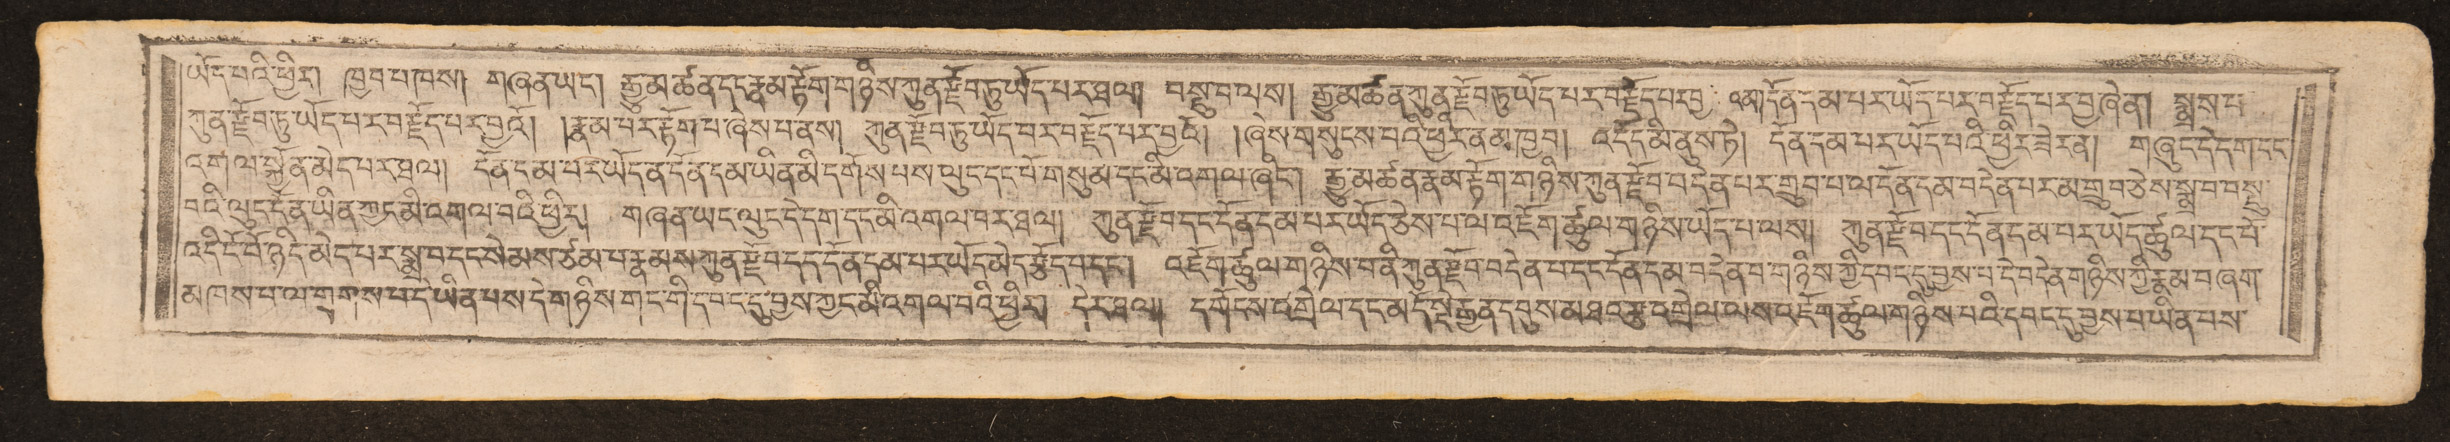ཡོད་པའི་ཕྱིར། ཁྱབ་པ་ཁས། གཞན་ཡང་། རྒྱུ་མཚན་དང་རྣམ་རྟོག་གཉིས་ཀུན་རྫོབ་ཏུ་ཡོད་པར་ཐལ། བསྡུ་བ་ལས། རྒྱུ་མཚན་ཀུན་རྫོབ་ཏུ་ཡོད་པར་བརྗོད་པར་བྱ་འམ། དོན་དམ་པར་ཡོད་པར་བརྗོད་པར་བྱ་ཞེ་ན། སྨྲས་པ་
ཀུན་རྫོབ་ཏུ་ཡོད་པར་བརྗོད་པར་བྱའོ། །རྣམ་པར་རྟོག་པ་ཞེས་པ་ནས། ཀུན་རྫོབ་ཏུ་ཡོད་པར་བརྗོད་པར་བྱའོ། །ཞེས་གསུངས་པའི་ཕྱིར་ན་མ་ཁྱབ། འདོད་མི་ནུས་ཏེ། དོན་དམ་པར་ཡོད་པའི་ཕྱིར་ཟེར་ན། གཞུང་དེ་དག་དང་
འགལ་སྐྱོན་མེད་པར་ཐལ། དོན་དམ་པར་ཡོད་ན་དོན་དམ་ཡིན་མི་དགོས་པས་ལུང་དང་པོ་གསུམ་དང་མི་འགལ་ཞིང་། རྒྱུ་མཚན་རྣམ་རྟོག་གཉིས་ཀུན་རྫོབ་བདེན་པར་གྲུབ་པ་ལ་དོན་དམ་བདེན་པར་མ་གྲུབ་ཅེས་སྨྲ་བ་བསྡུ་
བའི་ལུང་དོན་ཡིན་ཀྱང་མི་འགལ་བའི་ཕྱིར། གཞན་ཡང་ལུང་དེ་དག་དང་མི་འགལ་བར་ཐལ། ཀུན་རྫོབ་དང་དོན་དམ་པར་ཡོད་ཅེས་པ་ལ་འཇོག་ཚུལ་གཉིས་ཡོད་པ་ལས། ཀུན་རྫོབ་དང་དོན་དམ་པར་ཡོད་ཚུལ་དང་པོ་
འདི་ངོ་བོ་ཉིད་མེད་པར་སྨྲ་བ་དང་སེམས་ཙམ་པ་རྣམས་ཀུན་རྫོབ་དང་དོན་དམ་པར་ཡོད་མེད་རྩོད་པ་དང་། འཇོག་ཚུལ་གཉིས་པ་ནི་ཀུན་རྫོབ་བདེན་པ་དང་དོན་དམ་བདེན་པ་གཉིས་ཀྱི་དབང་དུ་བྱས་པ་དེ་བདེན་གཉིས་ཀྱི་རྣམ་བཞག་
མཁས་པ་ལ་གྲགས་པ་དེ་ཡིན་པས་དེ་གཉིས་གང་གི་དབང་དུ་བྱས་ཀྱང་མི་འགལ་བའི་ཕྱིར། དེར་ཐལ། དགོངས་འགྲེལ་དང་མདོ་སྡེ་རྒྱན་དབུས་མཐའ་རྩ་འགྲེལ་ལས་འཇོག་ཚུལ་གཉིས་པའི་དབང་དུ་བྱས་པ་ཡིན་པས་